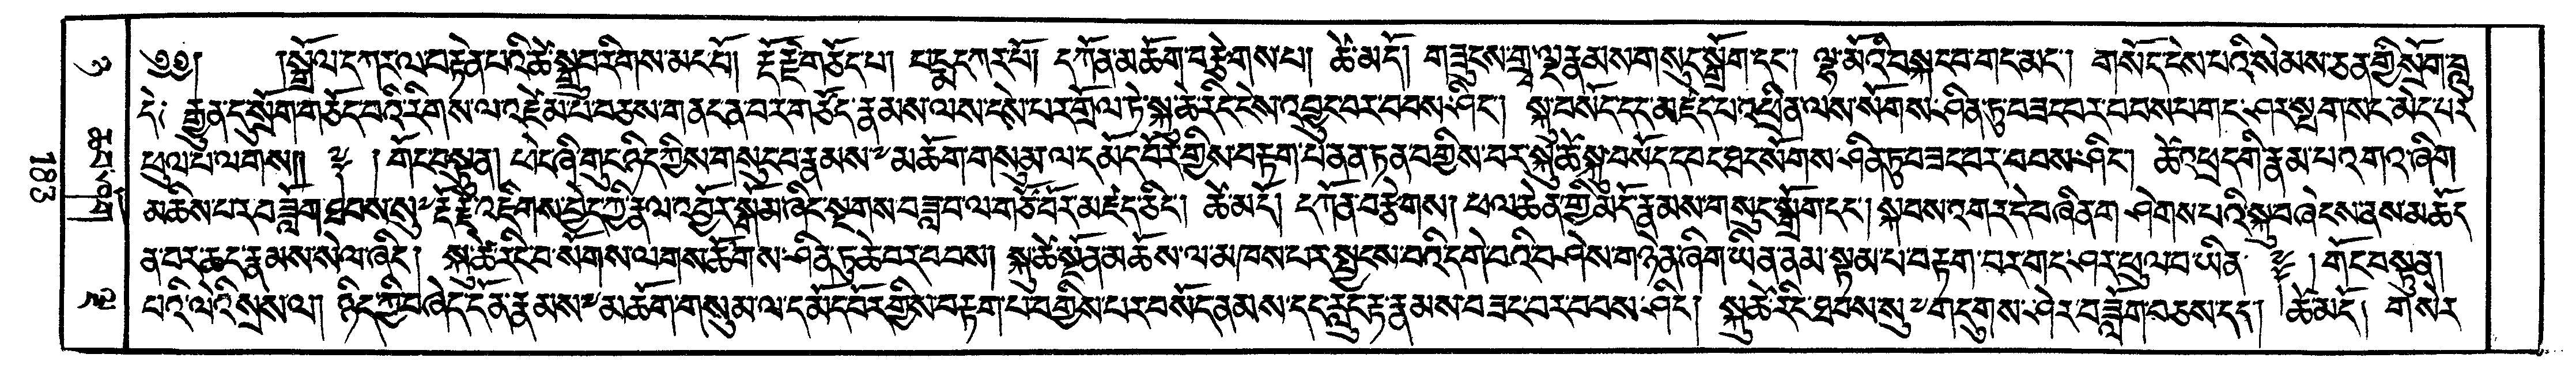༄༅། །སྒྲོལ་དཀར་ལ་བརྟེན་པའི་ཚེ་སྒྲུབ་རིགས་མང་པོ། རྡོ་རྗེ་གཅོད་པ། པདམ་དཀར་པོ། དཀོན་མཆོག་བརྩེགས་པ། ཚེ་མདོ། གཟུངས་གྲྭ་ལྔ་རྣམས་གསུང་སྒྲོག་དང་། ལྷ་མོའི་བསྐང་བ་གང་མང་། གསོད་ངེས་པའི་སེམས་ཅན་གྱི་སྲོག་བླུ་
བ༑ རྒྱུན་དུ་སྲོག་གཅོད་པའི་རིགས་ལ་འཛེམ་པ་བཅས་གནང་ན་བར་གཅོད་རྣམས་ལས་ངེས་པར་གྲོལ་ཏེ་སྐུ་ཚེ་རིང་ངེས་འབྱུང་བར་བབས་ཤིང་། སྐུ་བསོད་དང་མཛད་པ་འཕྲིན་ལས་སོགས་ཤིན་ཏུ་བཟང་བར་བབས་པ་གང་ཤར་སྦ་གསང་མེད་པར་
ཕུལ་བ་ལགས།། ༈།།གོང་བསྟུན། ཕེང་ཞི་གུང་ཉིད་ཀྱིས་གསུང་བ་རྣམས ༧མཆོག་གསུམ་ལ་དམོད་བོར་གྱིས་བརྟག་པ་ནན་ཏན་བགྱིས་པར་སྐུ་ཚེ་སྐུ་བསོད་དབང་ཐང་སོགས་ཤིན་ཏུ་བཟང་བར་བབས་ཤིང་། ཚེ་འབྲང་གི་རྣམ་པ་འགའ་ཞིག་
མཆིས་པར་བཟློག་ཐབས་སུ ༧རྡོ་རྗེ་འཇིགས་བྱེད་ཀྱི་རྣལ་འབྱོར་སྒོམ་ཞིང་སྔགས་བཟླ་བ་ལ་གཙོ་བོར་མཛད་ཅིང་། ཚེ་མདོ། དཀོན་བརྩེགས། ཕལ་ཆེན་གྱི་མདོ་རྣམས་གསུང་སྒྲོག་དང་། སྐབས་འགར་དེ་བཞིན་གཤེགས་པའི་སྐུ་བཞེངས་ནས་མཆོད་
ན་བར་ཆད་རྣམས་སེལ་ཞིང་། སྐུ་ཚེ་རིང་བ་སོགས་ལེགས་ཚོགས་ཤིན་ཏུ་ཆེ་བར་བབས། སྐུ་ཚེ་སྔོན་མ་ཆོས་ལ་མཁས་པར་སྦྱངས་པའི་དགེ་བའི་བཤེས་གཉེན་ཞིག་ཡིན་ནམ་སྙམ་པ་བརྟག་པར་གང་ཤར་ཕུལ་བ་ཡིན།། ༈ །།གོང་བསྟུན།
པའི་ལེའི་སྲས་ལ། ཉིད་ཀྱི་བཞེད་དོན་རྣམས ༧མཆོག་གསུམ་ལ་དམོད་བོར་གྱིས་བརྟག་པ་བགྱིས་པར་བསོད་ནམས་དང་རླུང་རྟ་རྣམས་བཟང་བར་བབས་ཤིང་། སྐུ་ཚེ་རིང་ཐབས་སུ ༧གདུགས་ཤེར་བཟློག་བཅས་དང་། ཚེ་མདོ། གསེར་